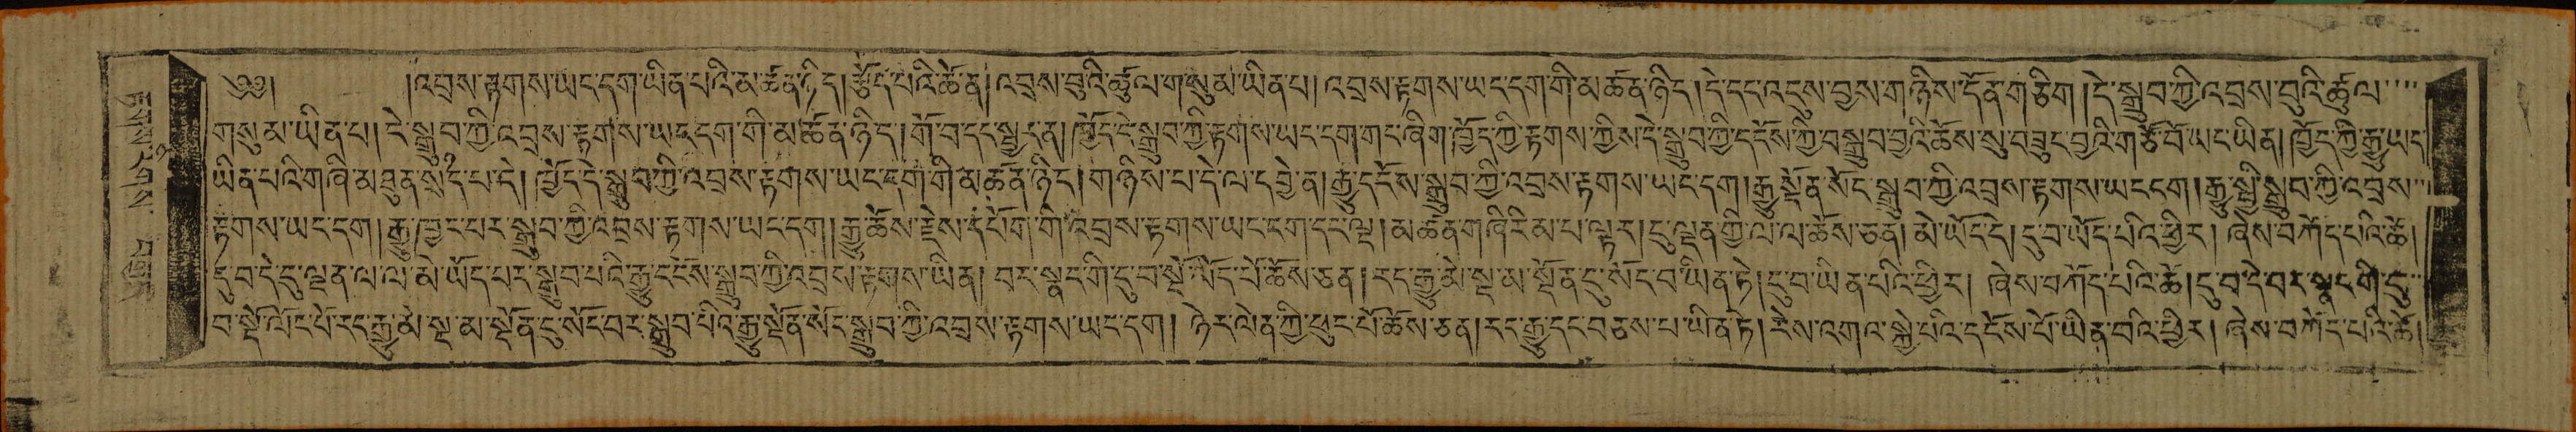༄༅། །འབྲས་རྟགས་ཡང་དག་ཡིན་པའི་མཚན་ཉིད། རྩོད་པའི་ཚེ་ན། འབྲས་བུའི་ཚུལ་གསུམ་ཡིན་པ། འབྲས་རྟགས་ཡང་དག་གི་མཚན་ཉིད། དེ་དང་འདུས་བྱས་གཉིས་དོན་གཅིག །དེ་སྒྲུབ་ཀྱི་འབྲས་བུའི་ཚུལ་
གསུམ་ཡིན་པ། དེ་སྒྲུབ་ཀྱི་འབྲས་རྟགས་ཡང་དག་གི་མཚན་ཉིད། གོ་བ་དང་སྦྱར་ན། ཁྱོད་དེ་སྒྲུབ་ཀྱི་རྟགས་ཡང་དག་གང་ཞིག་ཁྱོད་ཀྱི་རྟགས་ཀྱིས་དེ་སྒྲུབ་ཀྱི་དངོས་ཀྱི་བསྒྲུབ་བྱའི་ཆོས་སུ་བཟུང་བྱའི་གཙོ་བོ་ཡང་ཡིན། ཁྱོད་ཀྱི་རྒྱུ་ཡང་
ཡིན་པའི་གཞི་མཐུན་སྲིད་པ་དེ། ཁྱོད་དེ་སྒྲུབ་ཀྱི་འབྲས་རྟགས་ཡང་དག་གི་མཚན་ཉིད། གཉིས་པ་དེ་ལ་དབྱེ་ན། རྒྱུ་དངོས་སྒྲུབ་ཀྱི་འབྲས་རྟགས་ཡང་དག །རྒྱུ་སྔོན་སོང་སྒྲུབ་ཀྱི་འབྲས་རྟགས་ཡང་དག །རྒྱུ་སྤྱི་སྒྲུབ་ཀྱི་འབྲས་
རྟགས་ཡང་དག །རྒྱུ་ཁྱད་པར་སྒྲུབ་ཀྱི་འབྲས་རྟགས་ཡང་དག །རྒྱུ་ཆོས་རྗེས་དཔོག་གི་འབྲས་རྟགས་ཡང་དག་དང་ལྔ། མཚན་གཞི་རིམ་པ་ལྟར། དུ་ལྡན་གྱི་ལ་ལ་ཆོས་ཅན། མེ་ཡོད་དེ། དུ་བ་ཡོད་པའི་ཕྱིར། ཞེས་བཀོད་པའི་ཚེ།
དུ་བ་དེ་དུ་ལྡན་ལ་ལ་མེ་ཡོད་པར་སྒྲུབ་པའི་རྒྱུ་དངོས་སྒྲུབ་ཀྱི་འབྲས་རྟགས་ཡིན། བར་སྣང་གི་དུ་བ་སྔོ་ལོང་པོ་ཆོས་ཅན། རང་རྒྱུ་མེ་སྔ་མ་སྔོན་དུ་སོང་བ་ཡིན་ཏེ། དུ་བ་ཡིན་པའི་ཕྱིར། ཞེས་བཀོད་པའི་ཚེ། དུ་བ་དེ་བར་སྣང་གི་དུ་
བ་སྔོ་ལོང་པོ་རང་རྒྱུ་མེ་སྔ་མ་སྔོན་དུ་སོང་བར་སྒྲུབ་པའི་རྒྱུ་སྔོན་སོང་སྒྲུབ་ཀྱི་འབྲས་རྟགས་ཡང་དག །ཉེར་ལེན་གྱི་ཕུང་པོ་ཆོས་ཅན། རང་རྒྱུ་དང་བཅས་པ་ཡིན་ཏེ། རེས་འགའ་སྐྱེ་པའི་དངོས་པོ་ཡིན་པའི་ཕྱིར། ཞེས་བཀོད་པའི་ཚེ།